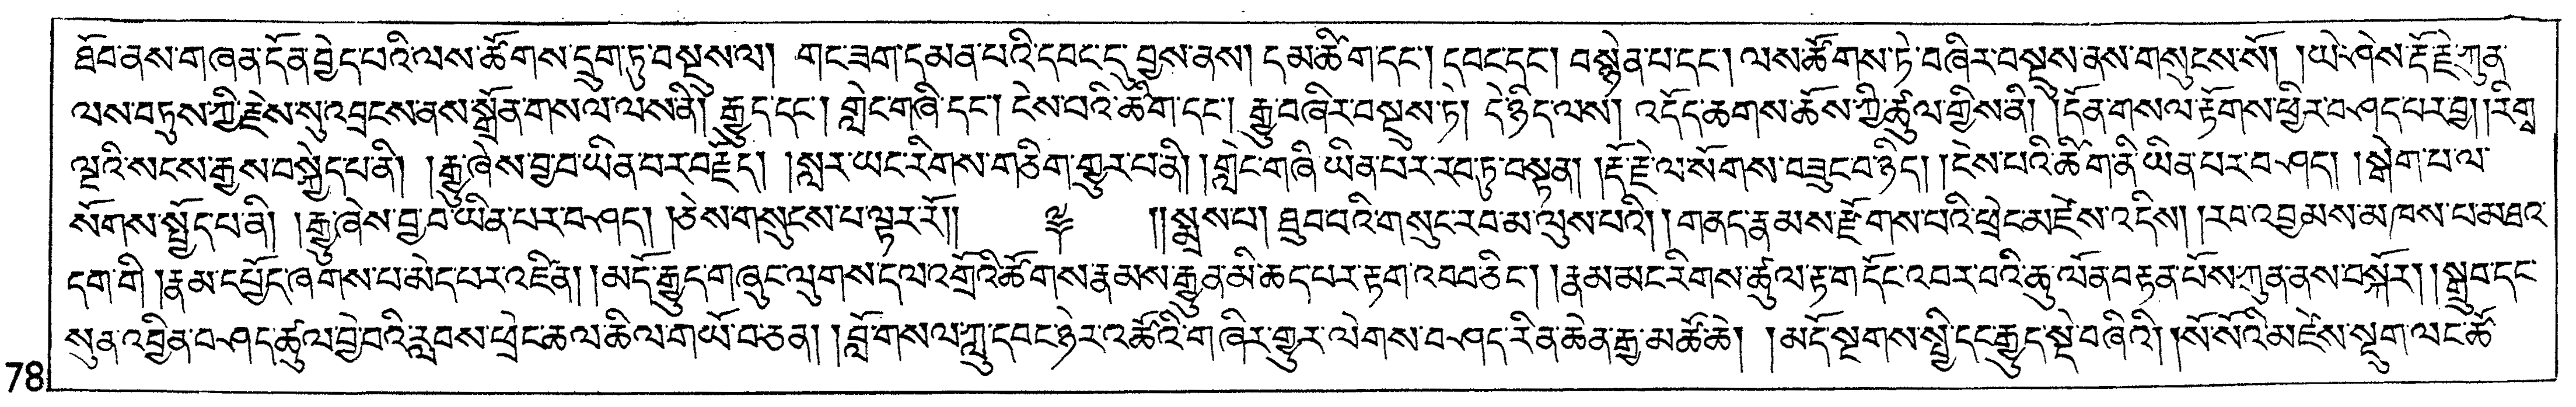ཐོབ་ནས་གཞན་དོན་བྱེད་པའི་ལས་ཚོགས་དྲུག་ཏུ་བསྡུས་ལ། གང་ཟག་དམན་པའི་དབང་དུ་བྱས་ནས། དམ་ཚིག་དང་། དབང་དང་། བསྙེན་པ་དང་། ལས་ཚོགས་ཏེ་བཞིར་བསྡུས་ནས་གསུངས་སོ། །ཡེ་ཤེས་རྡོ་རྗེ་ཀུན་
ལས་བཏུས་ཀྱི་རྗེས་སུ་འབྲངས་ནས་སྒྲོན་གསལ་ལས་ནི། རྒྱུད་དང་། གླེང་གཞི་དང་། ངེས་པའི་ཚིག་དང་། རྒྱུ་བཞིར་བསྡུས་ཏེ། དེ་ཉིད་ལས། འདོད་ཆགས་ཆོས་ཀྱི་ཚུལ་གྱིས་ནི། །དོན་གསལ་རྟོགས་ཕྱིར་བཤད་པར་བྱ། །རིགས་
ལྔའི་སངས་རྒྱས་བསྐྱེད་པ་ནི། །རྒྱུ་ཞེས་བྱ་བ་ཡིན་པར་བརྗོད། །སླར་ཡང་རིགས་གཅིག་གྱུར་པ་ནི། །གླེང་གཞི་ཡིན་པར་རབ་ཏུ་བསྟན། །རྡོ་རྗེ་ལ་སོགས་བཟུང་བ་ཉིད། །ངེས་པའི་ཚིག་ནི་ཡིན་པར་བཤད། །སྒེག་པ་ལ་
སོགས་སྤྱོད་པ་ནི། །རྒྱུ་ཞེས་བྱ་བ་ཡིན་པར་བཤད། །ཅེས་གསུངས་པ་ལྟར་རོ།། ༈ །།སྨྲས་པ། ཐུབ་པའི་གསུང་རབ་མ་ལུས་པའི། །གནད་རྣམས་རྫོགས་པའི་ཕྲེང་མཛེས་འདིས། །རབ་འབྱམས་མཁས་པ་མཐའ་
དག་གི །རྣམ་དཔྱོད་ཞགས་པ་མེད་པར་འཛིན། །མདོ་རྒྱུད་གཞུང་ལུགས་དལ་འགྲོའི་ཚོགས་རྣམས་རྒྱུན་མི་ཆད་པར་རྟག་འབབ་ཅིང་། །རྣམ་མང་རིགས་ཚུལ་རྟ་གདོང་འབར་བའི་ཆུ་ལོན་བརྟན་པོས་ཀུན་ནས་བསྐོར། །སྒྲུབ་དང་
སུན་འབྱིན་བཤད་ཚུལ་བྱེ་བའི་རླབས་ཕྲེང་ཆལ་ཆིལ་གཡོ་བ་ཅན། །བློ་གསལ་ཀླུ་དབང་ཉེར་འཚོའི་གཞིར་གྱུར་ལེགས་བཤད་རིན་ཆེན་རྒྱ་མཚོ་ཆེ། །མདོ་སྔགས་སྤྱི་དང་རྒྱུད་སྡེ་བཞིའི། །སོ་སོའི་མཛེས་སྡུག་ལང་ཚོ་